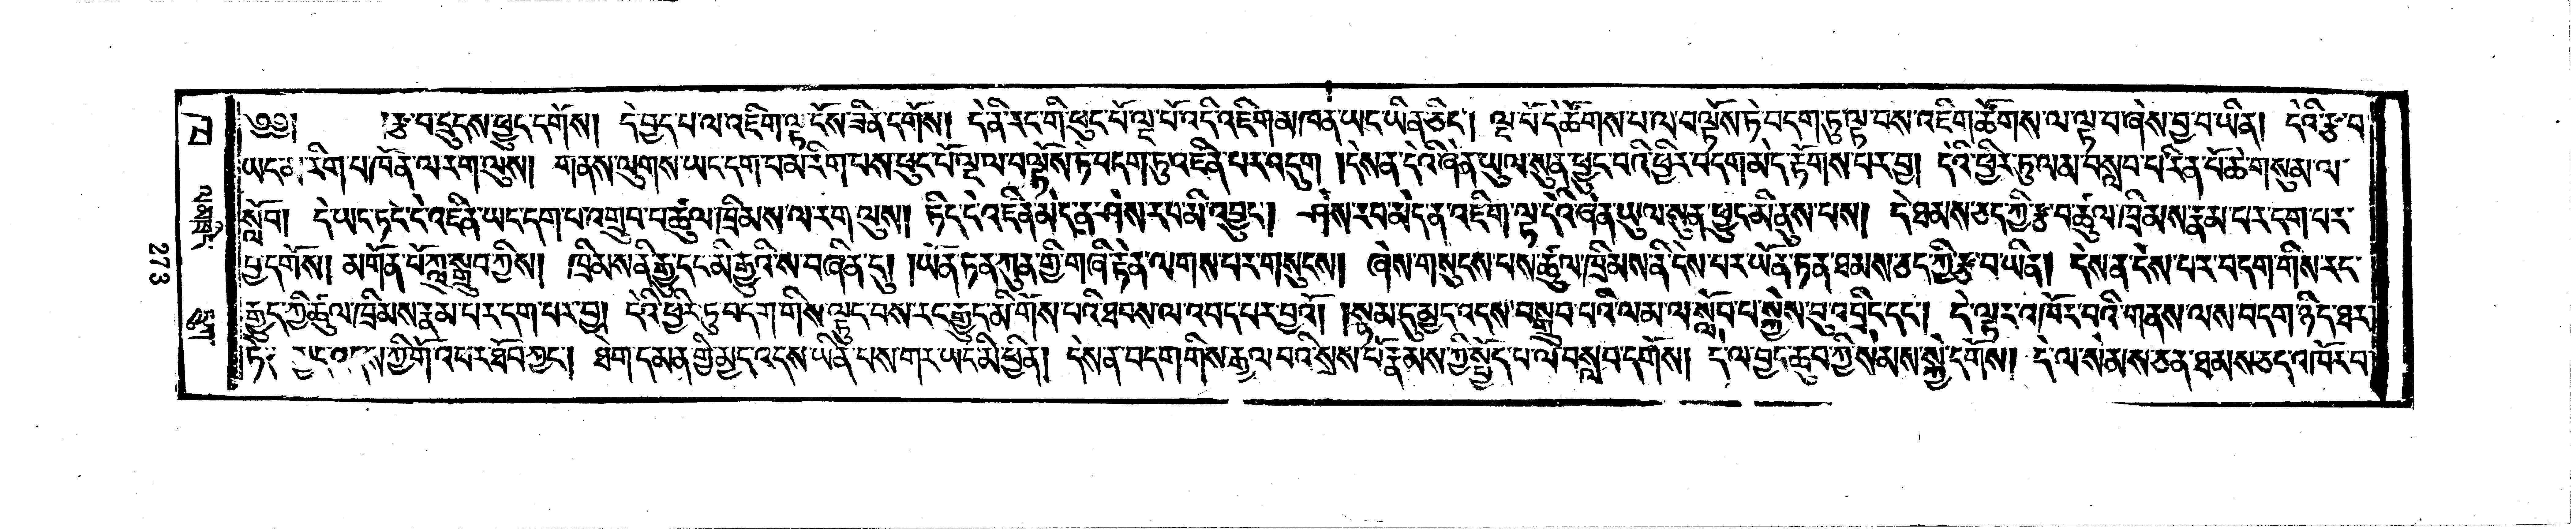༄༅། །རྩ་བ་དྲུངས་ཕྱུད་དགོས། དེ་བྱད་པ་ལ་འཇིག་ལྟ་ངོས་ཟིན་དགོས། དེ་ནི་རང་གི་ཕུང་པོ་ལྔ་པོ་འདི་འཇིག་མཁན་ཡང་ཡིན་ཅིང་། ལྔ་པོ་དེ་ཚོགས་པ་ལ་བལྟོས་ཏེ་བདག་ཏུ་ལྟ་བས་འཇིག་ཚོགས་ལ་ལྟ་བ་ཞེས་བྱ་བ་ཡིན། དེའི་རྩ་བ་
ཡང་མ་རིག་པ་ཁོན་ལ་རག་ལུས། གནས་ལུགས་ཡང་དག་པ་མ་རིག་པས་ཕུང་པོ་ལྔ་ལ་བལྟོས་ཏེ་བདག་ཏུ་འཛིན་པར་འདུག །དེས་ན་དེའི་ཞེན་ཡུལ་སུན་ཕྱུང་བའི་ཕྱིར་བདག་མེད་རྟོགས་པར་བྱ། དེའི་ཕྱིར་ཏུ་ལམ་བསླབ་པ་རིན་པོ་ཆེ་གསུམ་ལ་
སློབ། དེ་ཡང་ཏིང་ངེ་འཛིན་ཡང་དག་པ་འགྲུབ་པ་ཚུལ་ཁྲིམས་ལ་རག་ལུས། ཏིང་ངེ་འཛིན་མེད་ན་ཤེས་རབ་མི་འབྱུང་། ཤེས་རབ་མེད་ན་འཇིག་ལྟ་དེའི་ཞེན་ཡུལ་སུན་ཕྱུང་མི་ནུས་པས། དེ་ཐམས་ཅད་ཀྱི་རྩ་བ་ཚུལ་ཁྲིམས་རྣམ་པར་དག་པར་
བྱ་དགོས། མགོན་པོ་ཀླུ་སྒྲུབ་ཀྱིས། ཁྲིམས་ནི་རྒྱུ་དང་མི་རྒྱུའི་ས་བཞིན་དུ། །ཡོན་ཏན་ཀུན་གྱི་གཞི་རྟེན་ལགས་པར་གསུངས། ཞེས་གསུངས་པས་ཚུལ་ཁྲིམས་ནི་དེས་པར་ཡོན་ཏན་ཐམས་ཅད་ཀྱི་རྩ་བ་ཡིན། དེས་ན་ངེས་པར་བདག་གིས་རང་
རྒྱུད་ཀྱི་ཚུལ་ཁྲིམས་རྣམ་པར་དག་པར་བྱ། དེའི་ཕྱིར་ཏུ་བདག་གིས་ལྟུང་བས་རང་རྒྱུད་མི་གོས་པའི་ཐབས་ལ་འབད་པར་བྱའོ། །སྙམ་དུ་མྱང་འདས་བསྒྲུབ་པའི་ལམ་ལ་སློབ་པ་སྐྱེས་བུ་འབྲིང་དང་། དེ་ལྟར་འཁོར་བའི་གནས་ལས་བདག་ཉིད་ཐར་
ཏེ༑ མྱང་འདས་ཀྱི་གོ་འཕར་ཐོབ་ཀྱང་། ཐེག་དམན་གྱི་མྱང་འདས་ཡིན་པས་གར་ཡང་མི་ཕྱིན། དེས་ན་བདག་གིས་རྒྱལ་བའི་སྲས་པོ་རྣམས་ཀྱི་སྤྱོད་པ་ལ་བསླབ་དགོས། དེ་ལ་བྱང་ཆུབ་ཀྱི་སེམས་སྐྱེ་དགོས། དེ་ལ་སེམས་ཅན་ཐམས་ཅད་འཁོར་བ་